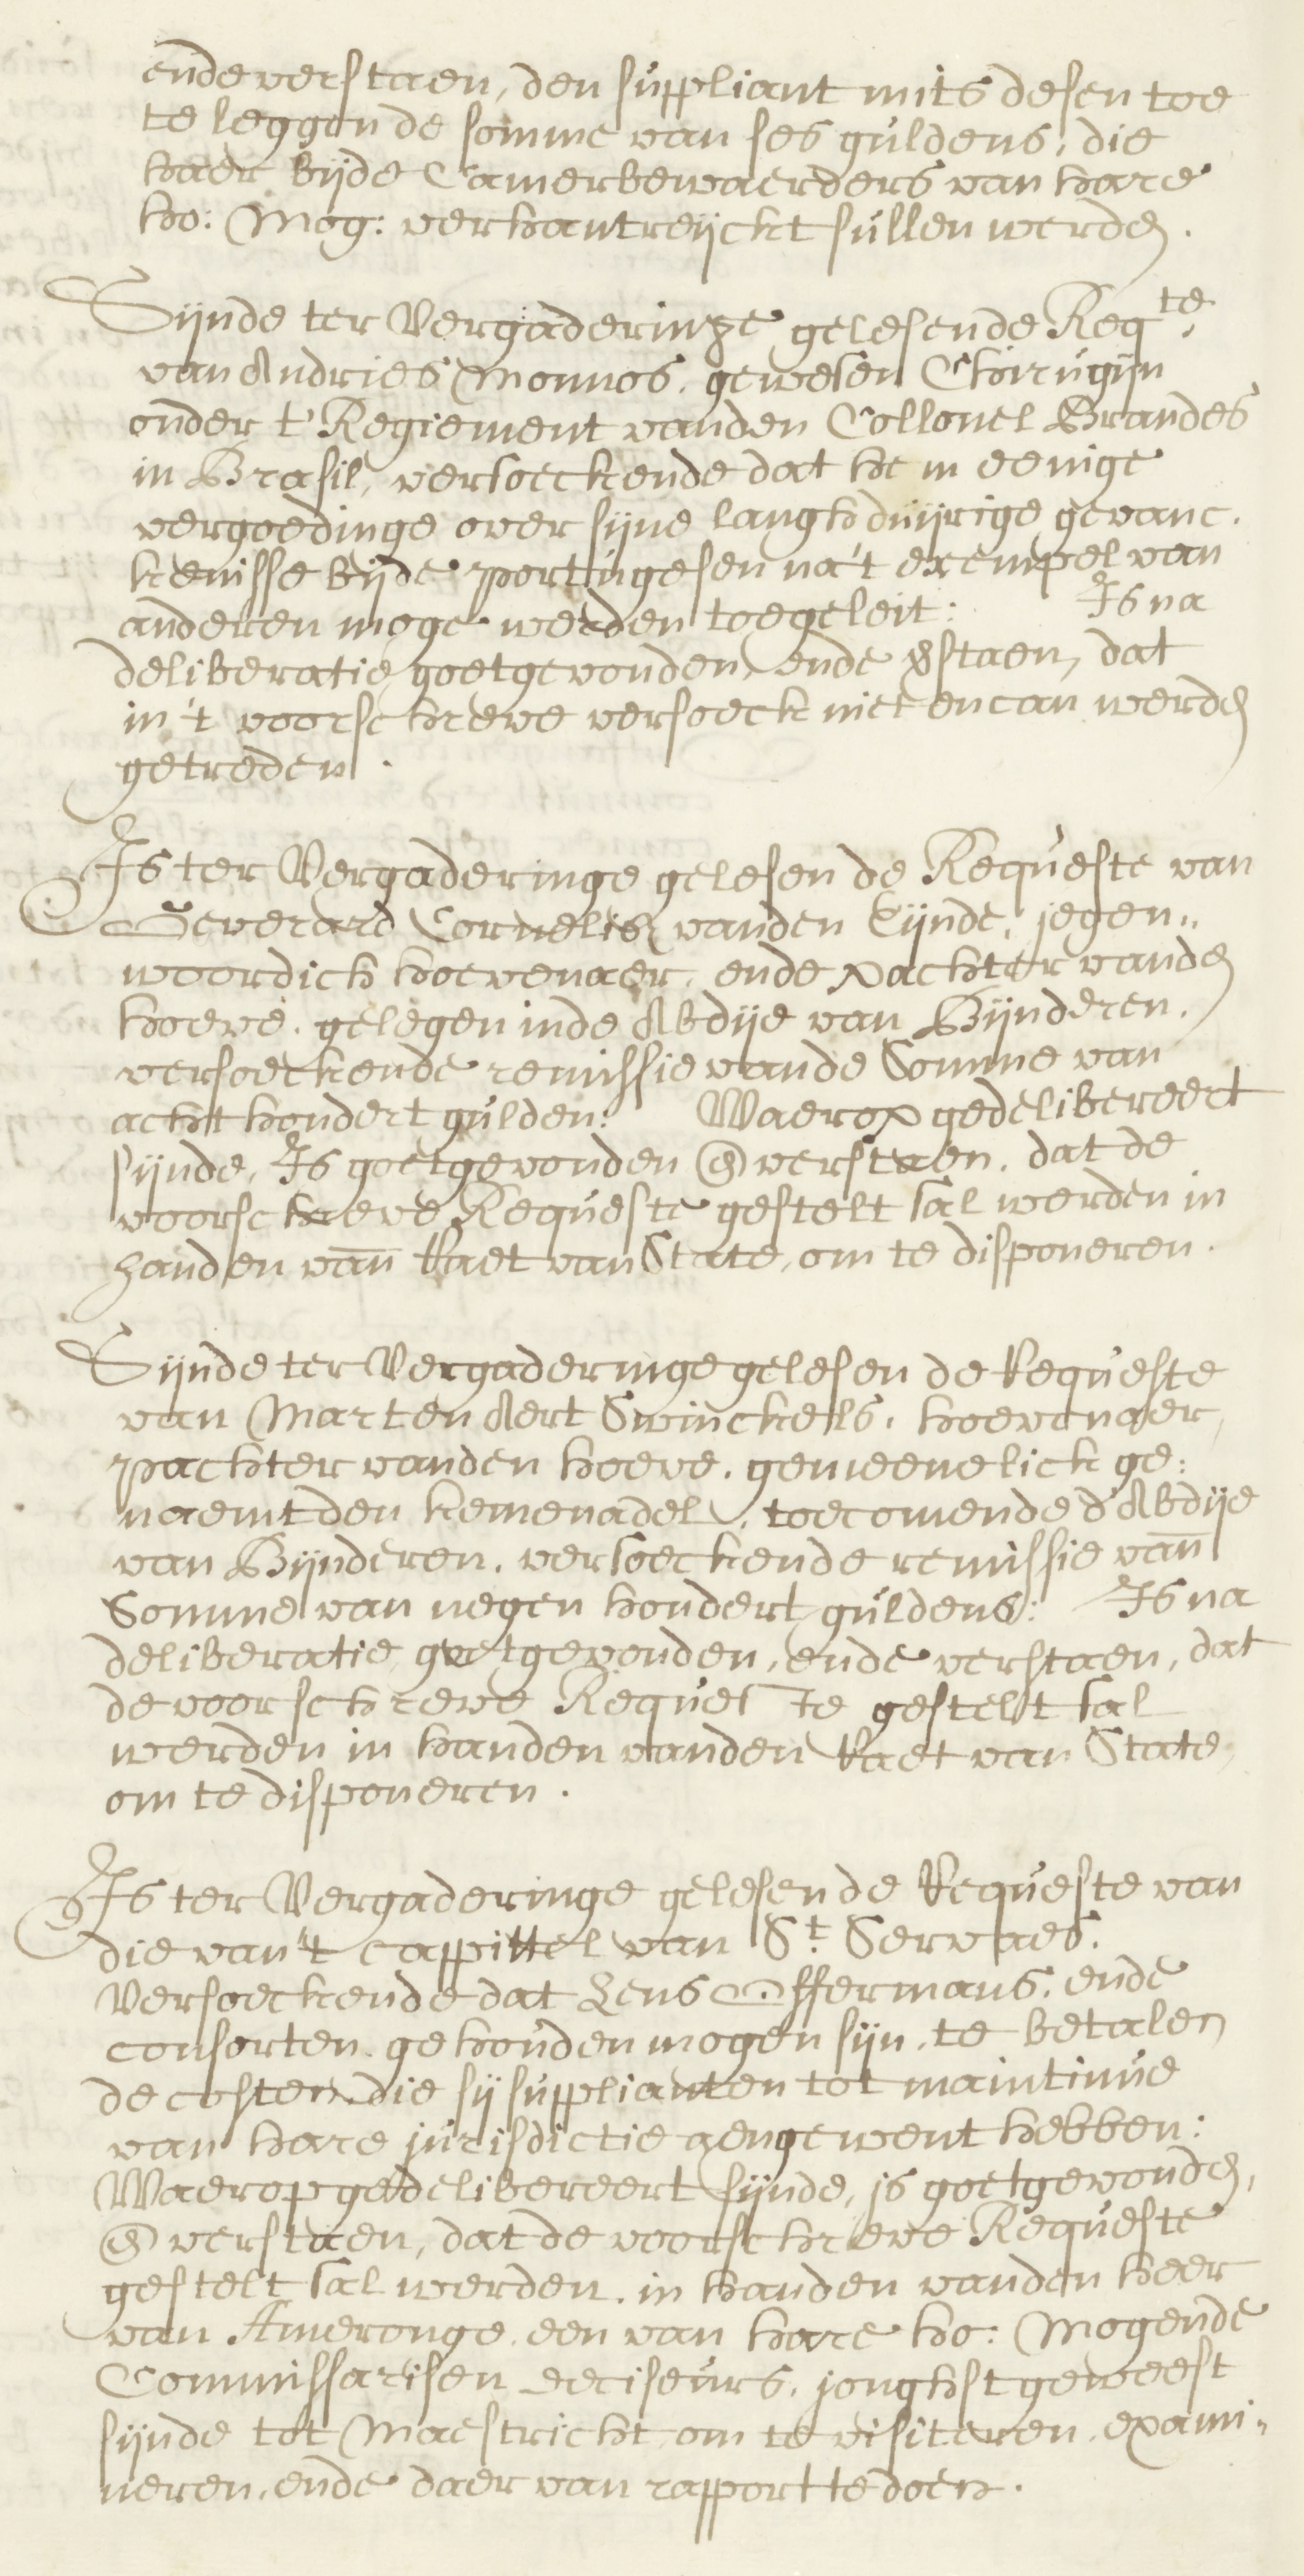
ende verstaen, den suppliant mits desen toe
te leggen de somme van ses guldens, die
haer bijde Camerbewaerders van hare
Ho:Mog: verhantreijckt sullen werden.
Sijnde ter Vergaderinge gelesen de Reqte.
van Andries Monnos, gewesen Chirugijn
onder t' Regiement vanden Collonel Brandes
in Brasil, versoeckende dat hem eenige
vergoedinge over sijne langh duijrige gevanc„
kenisse bijde portugesen na't exempel van
anderen moge werden toegeleit: Is na
deliberatie goetgevonden, ende vstaen, dat
in't voorschreve versoeck niet en can werden
getreden.
Is ter Vergaderinge gelesen de Requeste van
Geverard Cornelisz vanden Eijnde, jegen,,
woordich hoevenaer, ende pachter vanden
hoeve, gelegen inde Abdije van Bijnderen,
versoeckende remissie vande Somme van
acht hondert gulden: Waerop gedelibereert
sijnde, Is goetgevonden & verstaen, dat de
voorschreve Requeste gestelt sal werden in
handen van Raet van State, om te disponeren.
Sijnde ter Vergaderinge gelesen de Requeste
van Marten Aert Swinckels, hoevenaer
prachter vanden hoeve gemeenelick ge=
naemt den kemenadel, toecomende d'Abdije
van Bijnderen, versoeckende remissie van
Somme van negen hondert guldens: Is na
deliberatie goetgevonden, ende verstaen, dat
de voorschreve Requeste gestelt sal
werden in handen vanden Raet van State,
om te disponeren.
Is ter Vergaderinge gelesen de Requeste van
die van't cappittel van St. Servaes,
Versoeckende dat Lens Offermans, ende
consorten gehouden mogen sijn, te betalen
de costen die sij supplianten tot maintinue
van hare jurisdictie aengewent hebben:
Waerop gedelibereert sijnde, is goetgevonden,
& verstaen, dat de voorschreve Requeste
gestelt sal werden, in handen van den heer
van Ameronge, een van hare ho: Mogende
Commissarisen deciseurs, jonghst geweest
sijnde tot Maestricht, om te visiteren, exami,,
neren, ende daer van rapport te doen.
